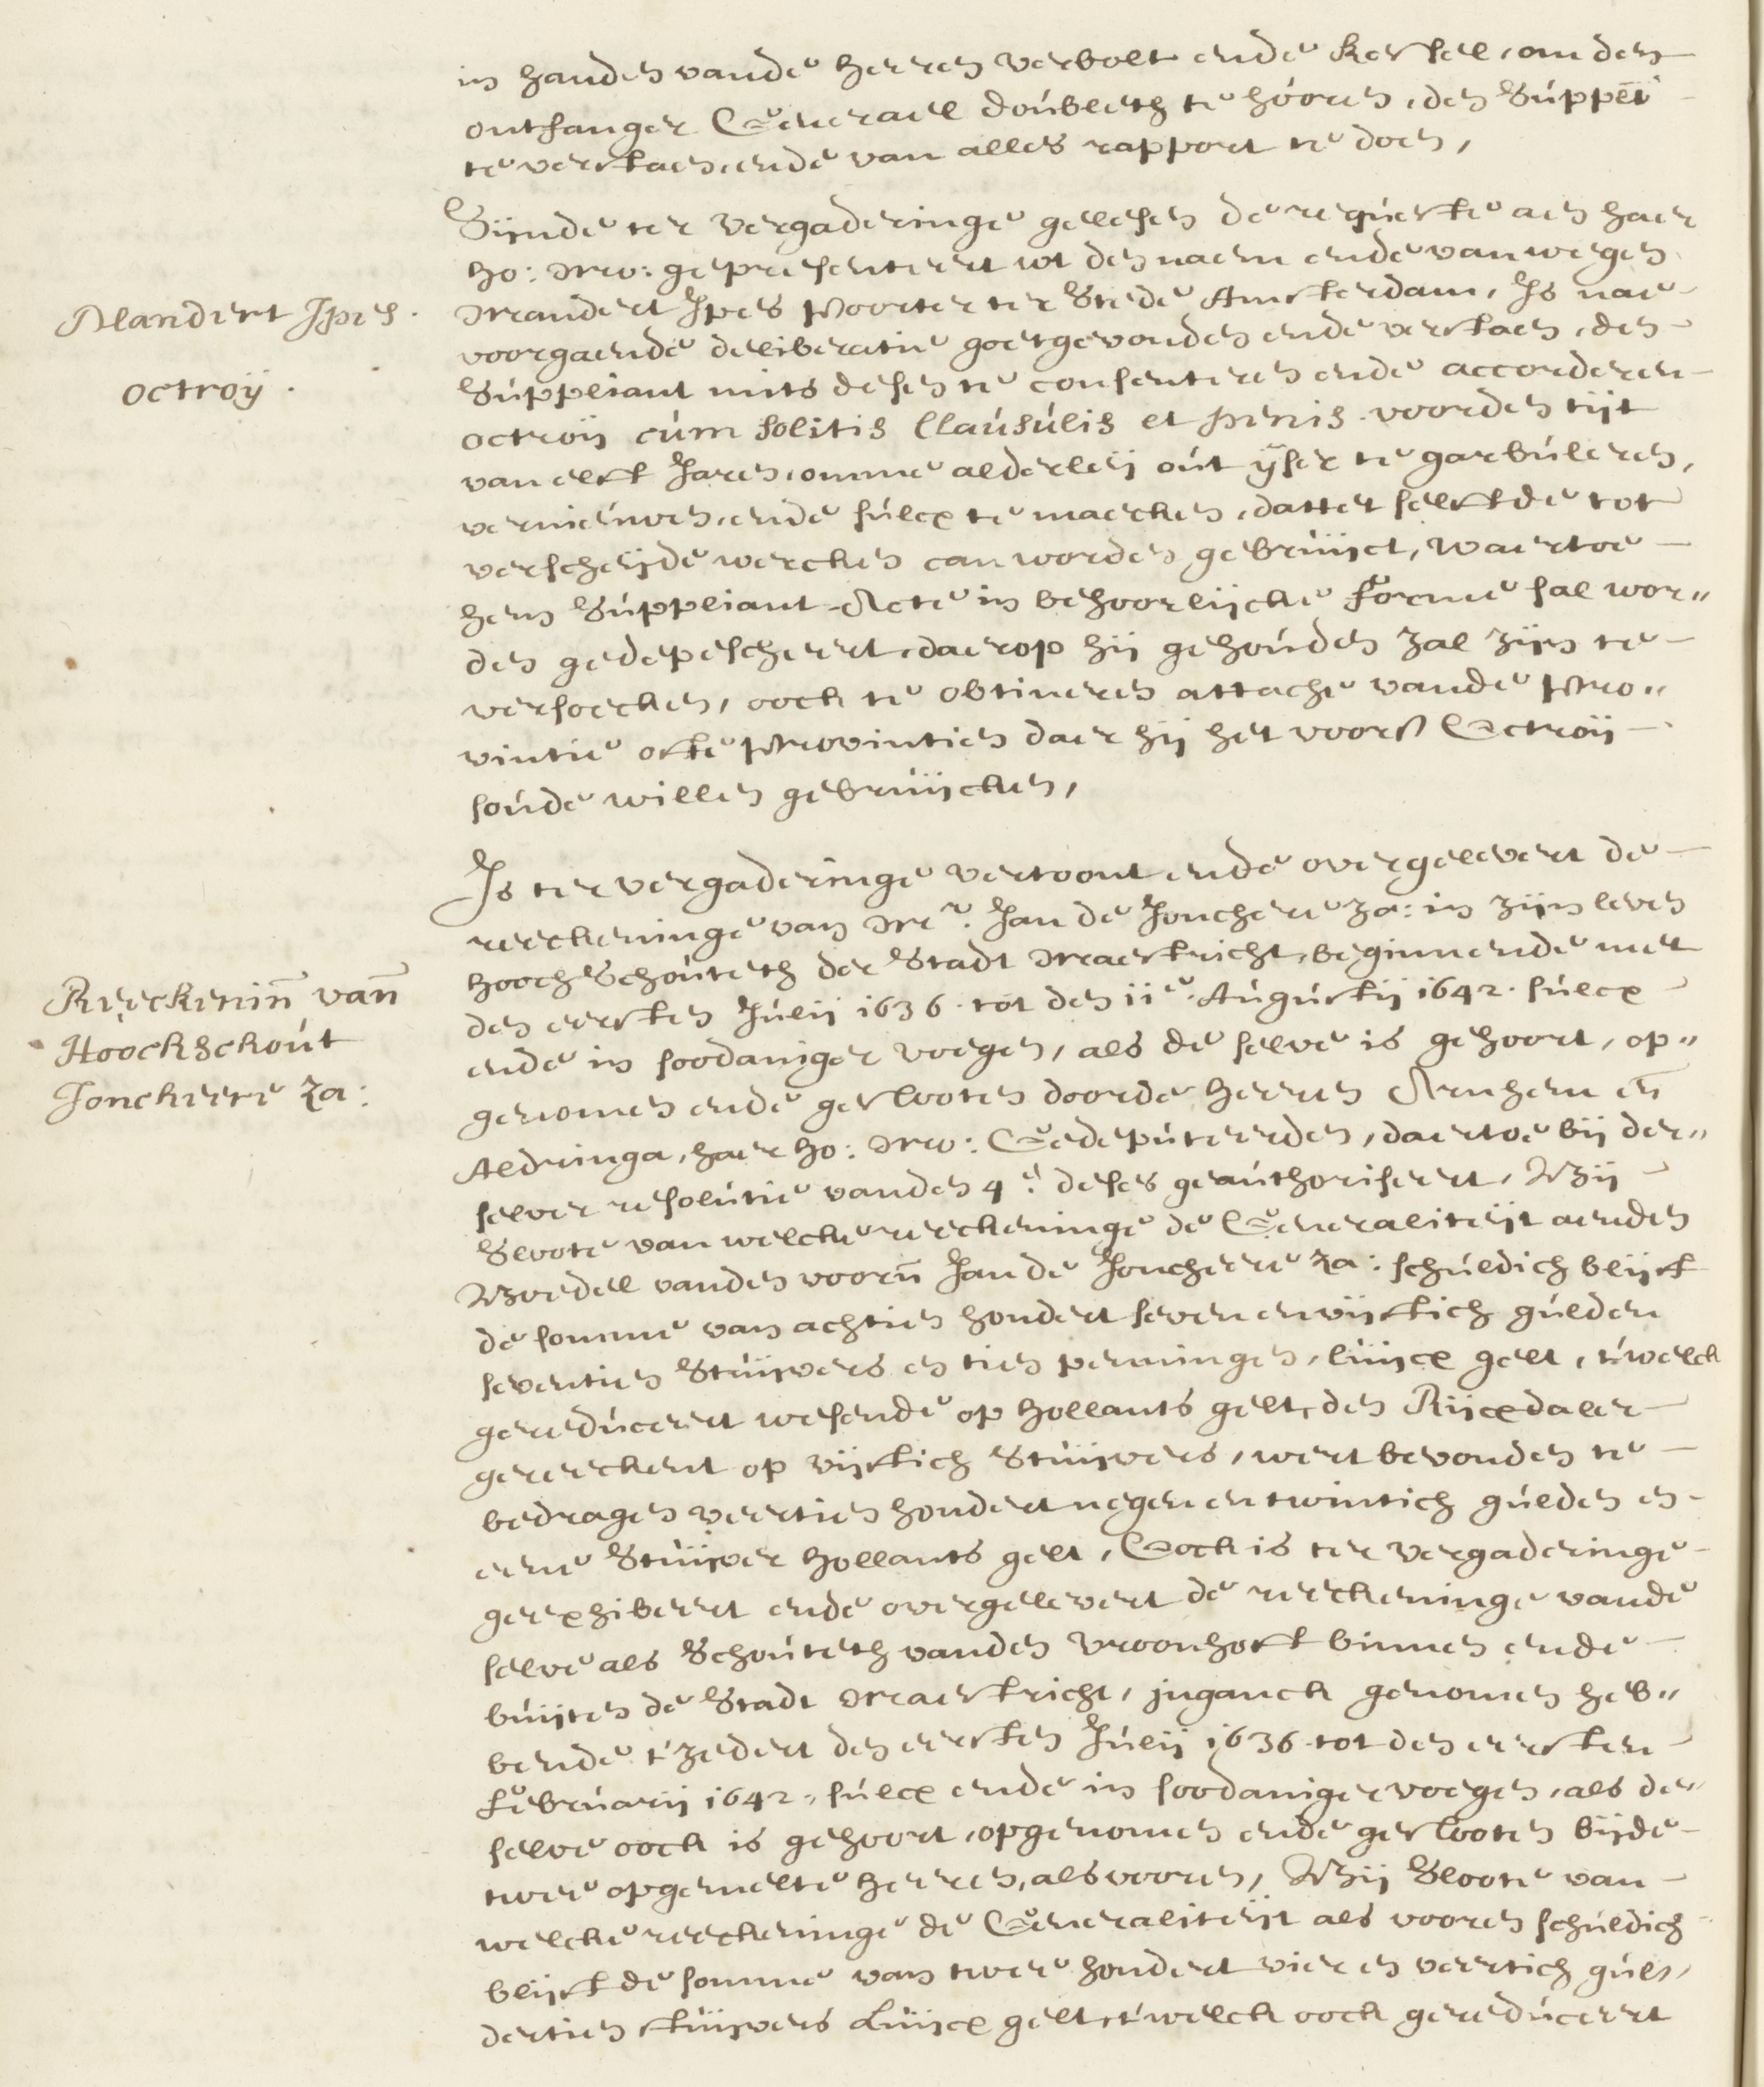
in handen vande heeren Vervoet ende Kercke om den
ontfanger Generael Doubleth te hooren, den Supplt
te verstaen ende van alles rapport te doen.
Mandert Ipes
octroij
Sijnde ter vergaderinge gelesen de requeste aen haer
Ho:Mo: gepresenteert wt den naem ende van wegen
Mandert Ipes poorter ter stede Amsterdam, Is nae
voorgaende deliberatie goetgevonden ende verstaen, den
Suppliant mits desen te consenteren ende accorderen
octroij cum solitis clausulis et penis voorden tijt
van elff Jaren, omme alderleij out ijser te garbuleren,
vernieuwen, ende sulcx te maecken, dattet selffde tot
verscheijde wercken can worden gebruijct, waertoe
hem Suppliant Acte in behoorlijcke forme sal wor„
den gedepescheert, daerop hij gehouden zal zijn te
versoecken, oock te obtineren attache vande pro„
vintie ofte provintien daer hij het voors Octroij
soude willen gebruijcken.
Reekenin van
Hoochschout
Joncheere za:
Is ter vergaderinge vertoont ende overgelevert de
reeckeningen van mr Jan de Jonchere za: in zijn leven
hoochschouteth der Stadt Maestricht, beginnende met
den eersten Julij 1636 tot des iie Augustij 1642 sulcx
ende in soodaniger voegen, als de selve is gehoort, op„
genomen ende geslooten doorde heeren Arnhem en
Aldringa, haere Ho:Mo: Gedeputeerden, daertoe bij der„
selver resolutie vanden 9e deses geauthoriseert. Bij
Sloote van welcke reeckeninge de Generaliteijt aenden
Boedel vanden voorn Jan de Joncheere za: schuldich blijft
de somme van achtien hondert sevenenvijftich gulden
seventien stuijvers en tien penningen, luijcx gelt, t'welck
gereduceert wesende op hollants gelt, den Rijcxdaler
gereeckent op vijftich stuijvers, wert bevonden te
bedragen veertien hondert negenentwintich gulden en
eene Stuijver hollants gelt. Oock is ter vergaderinge
geexhibeert ende overgelevert de reeckeninge vande
selve als Schouteth vanden vroonhoff binnen ende
buijten de Stadt Maestricht, inganck genomen heb„
bende t'zedert den eersten Julij 1636 tot den eersten
februarij 1642, sulcx ende in soodaniger voegen als de,,
selve oock is gehoort, opgenomen ende geslooten bijde
twee opgemelte heere als vooren. Bij sloote van
welcke reeckeninge de Generaliteijt als vooren schuldich
blijft de somme van twee hondert vier en veertich guls.
dertien stuijvers Luijcx gelt t'welck oock gereduceert
